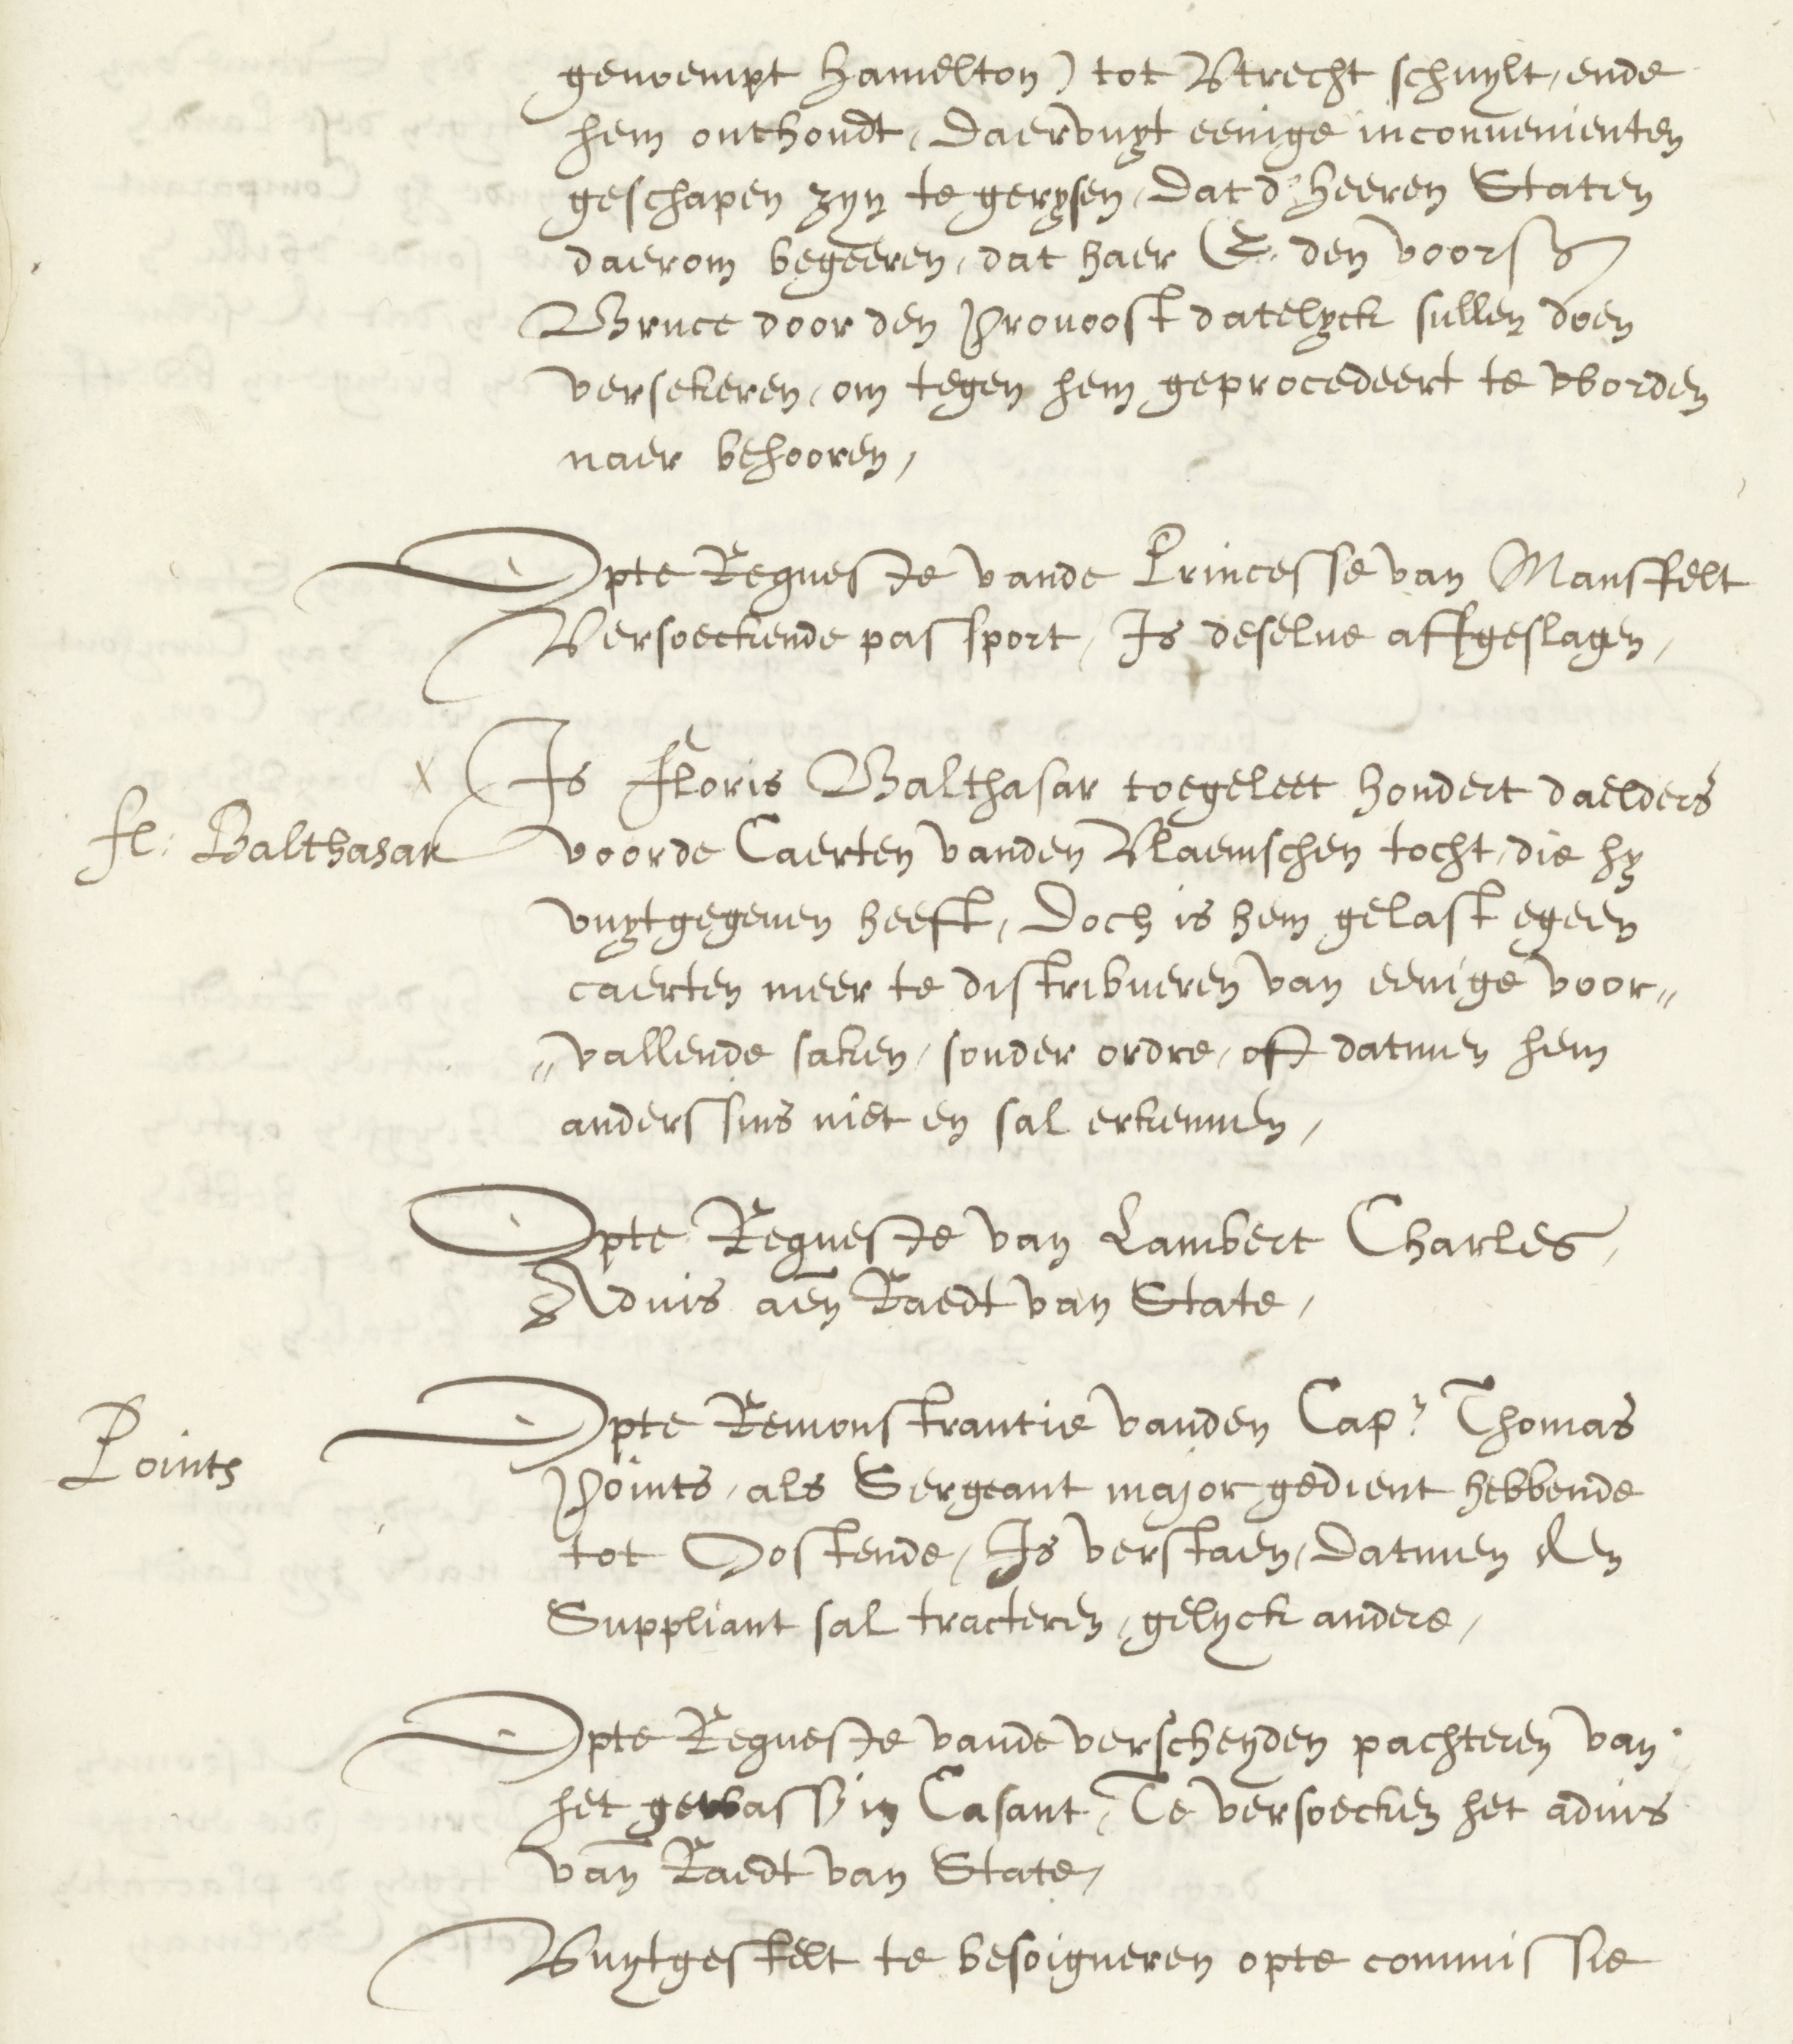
genoempt Hamelton) tot Utrecht schuylt, ende
hem onthoudt, daervuyt eenige inconvenienten
geschapen zijn te gerysen, dat d'heeren Staten
daerom begeeren, dat haer E. den voors
Bruce door den prouoost datelyck sullen doen
versekeren, om tegen hem geprocedeert te worden
naer behooren.
Opte requeste vande Princesse van Mansfelt
versoeckende passport is deselve affgeslagen.
Fl. Balthasar
Is Floris Balthasar toegeleet hondert daelders
voorde Caerten vanden Vlaemschen tocht, die hy
vuytgegeven heeft, doch is hem gelast egeen
caerten meer te distribueren van eenige voor„
,,vallende saken, sonder ordre off datmen hem
anderssins niet op sal erkennen.
Opte requeste van Lambert Charles,
Aduis aen Raedt van State.
Points
Opte Remonstrantie vanden Capn Thomas
Points, als Sergeant major gedient hebbende
tot Oostende, Is verstaen datmen den
suppliant sal tracteren, gelyck andere.
Opte requeste vande verscheyden pachteren van
het gewass in Casant. Te versoecken het advis
van Raedt van State.
Vuytgestelt te besoigneren opte commissie
